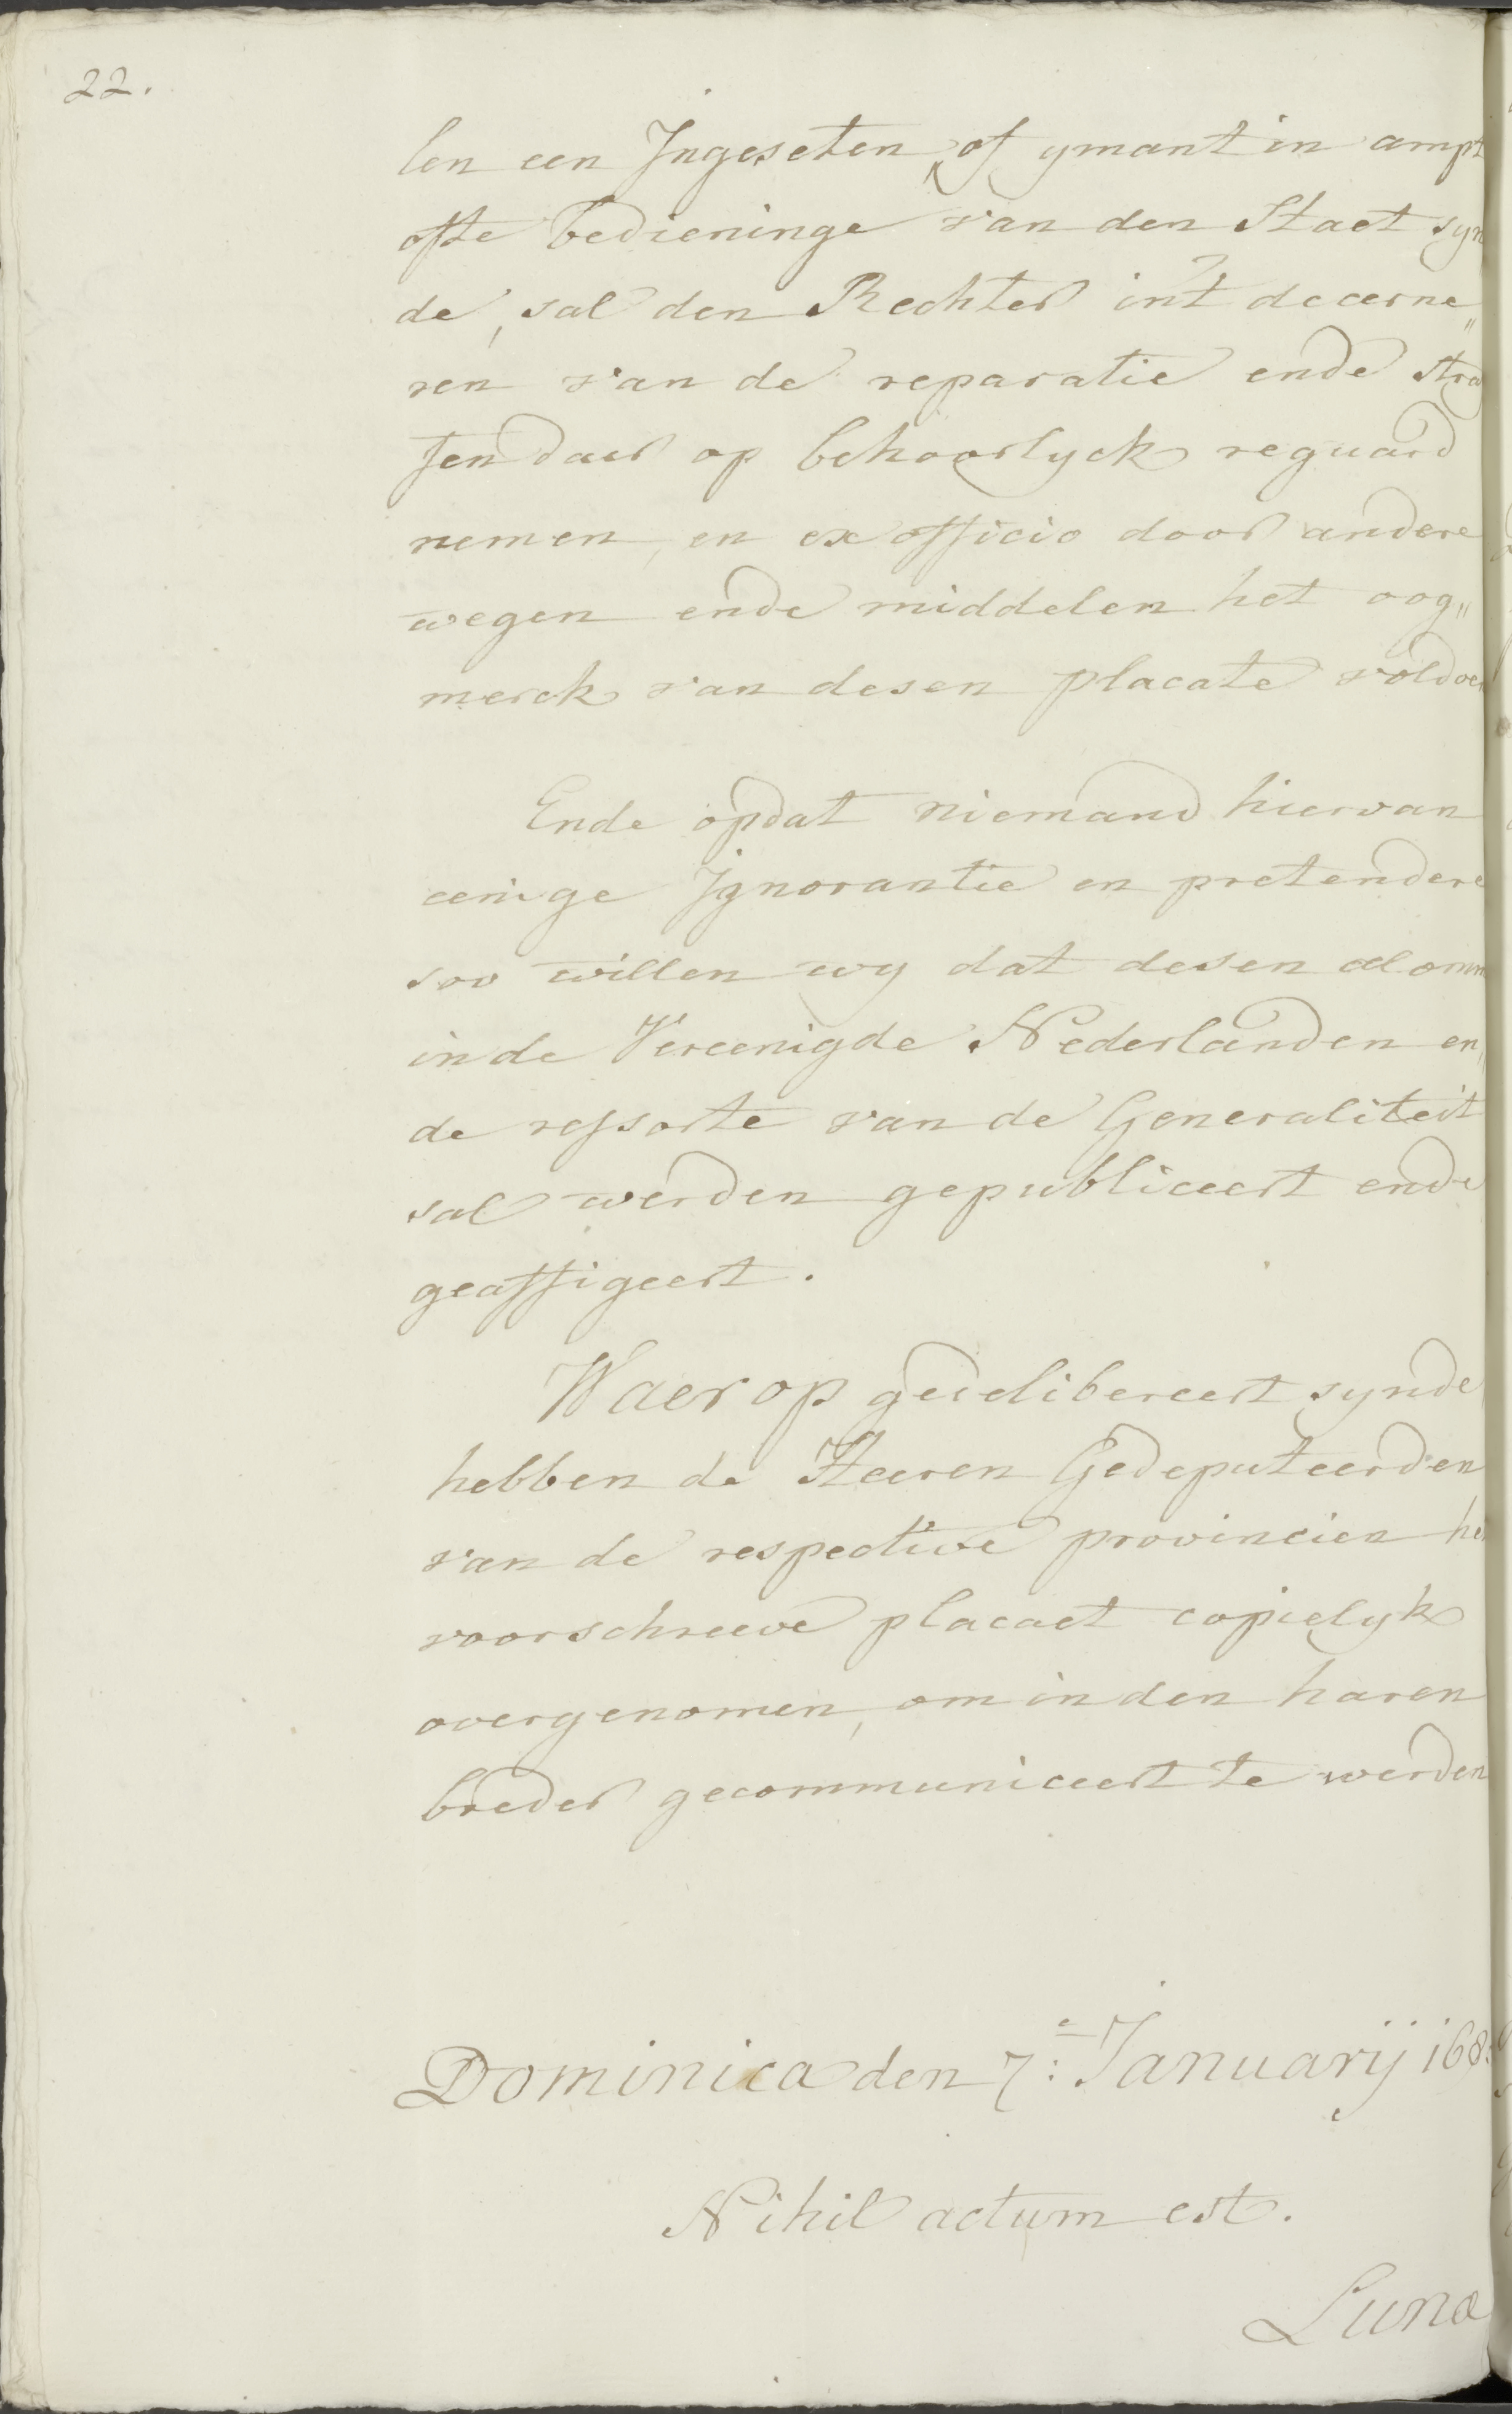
22.
len een Ingeseten of ymant in ampt
ofte bedieninge van den Staet syn
de, sal den Rechter in't decerne„
ren van de reparatie ende Stra
fen daer op behoorlijck reguard
nemen, en ex officio door andere
wegen ende middelen het oog„
merck van desen placate voldoen
Ende opdat niemand hiervan
eenige Ignorantie en pretendere
soo willen wij dat desen alomm
in de Vereenigde Nederlanden en
de ressorte van de Generaliteit
sal werden gepubliceert ende
geaffigeert.
Waerop gedelibereert synde
hebben de Heeren Gedeputeerden
van de respective provincien he
voorschreeve placaat copieljk
overenomen, om in den haren
breder gecommuniceert te werden
Dominica den 7e: Januarij 168
Nihil actum est.
Luna
